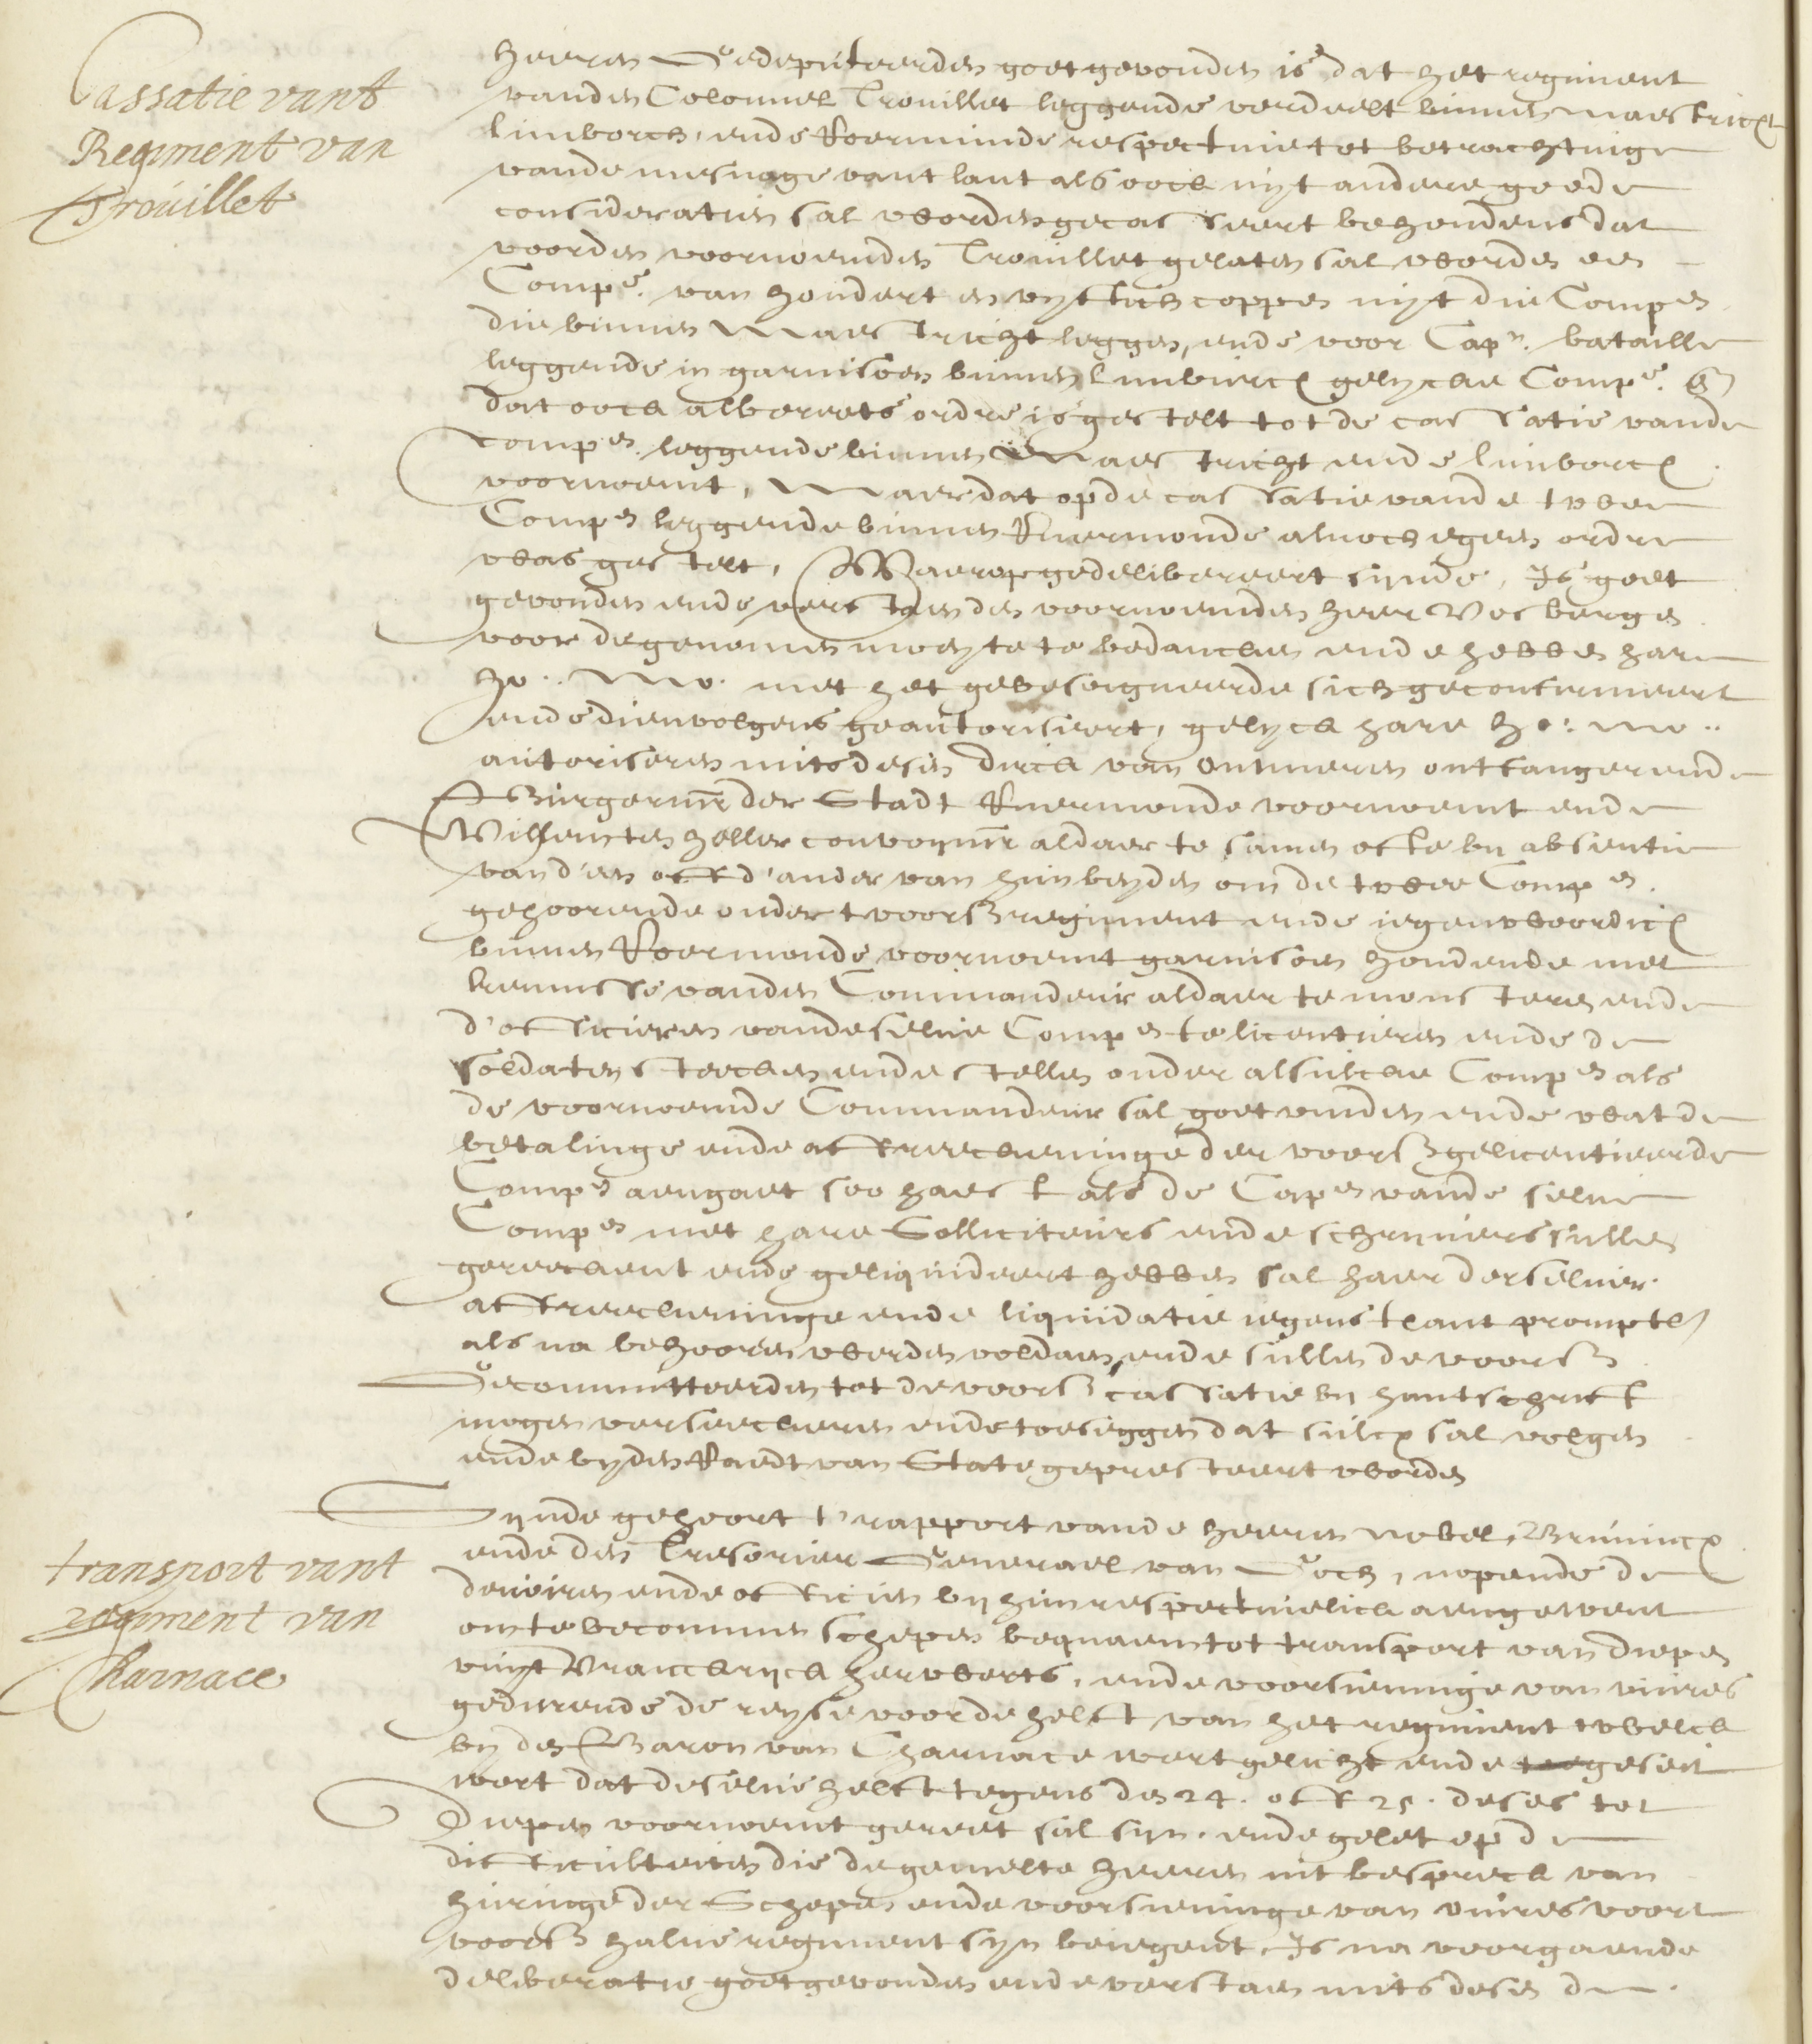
Cassatie vant
Regiment van
Trouillet
heeren Gedeputeerden goetgevonden is dat het regiment
vanden Colonnel Trouillet leggende verdeelt binnen Maestricht
Limborch, ende Roermunde respectiue tot betrachtinge
vande mesnage vant lant als oock uyt andere goede
consideratien sal worden gecasseert behoudens dat
voorden voornoemden Trouillet gelaten sal worden een
Compe. van hondert en vyftich coppen uyt die Compen
die binnen Maestricht leggen, ende voor Capn. bataille
leggende in garnisoen binnen limburch gelycke Compe. &
dat oock albereets ordre is gestelt tot de cassatie vande
compen. leggende binnen Maestricht ende limborch
voornoemt, Maer dat op de cassatie vande twee
Compen leggende binnen Ruermonde alnoch egeen ordre
was gestelt. Waerop gedelibereert synde, Is goet
gevonden ende verstaen den voornoemden heer Vosbergen
voor de genomen moeyte te bedancken ende hebben hare
Ho:Mo: met het gebesoigneerde sich geconfirmeert
ende dienvolgens geautoriseert, gelyck hare Ho:Mo:
autoriseren mits desen dirck van ommeren ontfanger ende
Burgermr der Stadt Ruermonde voornoemt ende
Willem ten heller convoymr aldaer te samen ofte by absentie
van d'en off d'ander van hun beyden om de twee Compen.
gehoorende onder tvoors regiment ende iegenwoordich
binnen Roermonde voornoemt garnisoen houdende met
kennisse vanden Commandeur aldaer te monsteren ende
d'officieren vandeselue Compen te licentieren ende de
soldaten steecken ende stellen onder alsulcke Compen als
de voornoemde Commandeur sal goetvinden ende wat de
betalinge ende affreeckeninge der voors gelicentieerde
Compen aengaet soo haest als de Capen vande selue
Compen met hare Solliciteurs ende schryvers sullen
gereeckent ende geliquideert hebben sal haer derseluer
affreeckeninge ende liquidatie iegens tlant promptl
als na behooren werden voldaen ende sullen de voors
Gecommitteerden tot de voors cassatie by hantschrift
mogen verseeckeren ende toeseggen dat sulcx sal volgen
ende byden Raedt van State gepresteert worden
transport vant
regiment van
Charnace
Synde gehoort t' rapport vande heerin Nobel, Brunincx
ende den Tresorier Generael van Goch, nopende de
deuoiren ende officien by hun respectiuelick aengewent
om te becommen schepen bequaem tot transport van diepen
vuyt Vranckryck herwerts, ende voorsieninge van viures
gedurende de reyse voorde helft van het regiment twelck
by den Baron van Charnace wert gelicht ende toegeseit
wert dat deselue helft tegens den 24. off 25. deses tot
Diepen voornoemt gereet sal syn, ende gelet op de
difficulteiten die de gemelte heeren int bespreck van
huringe der Schepen ende voorsieninge van viures voort
voors halue regiment syn beiegent, Is na voorgaende
deliberatie goetgevonden ende verstaen mits desen den.
